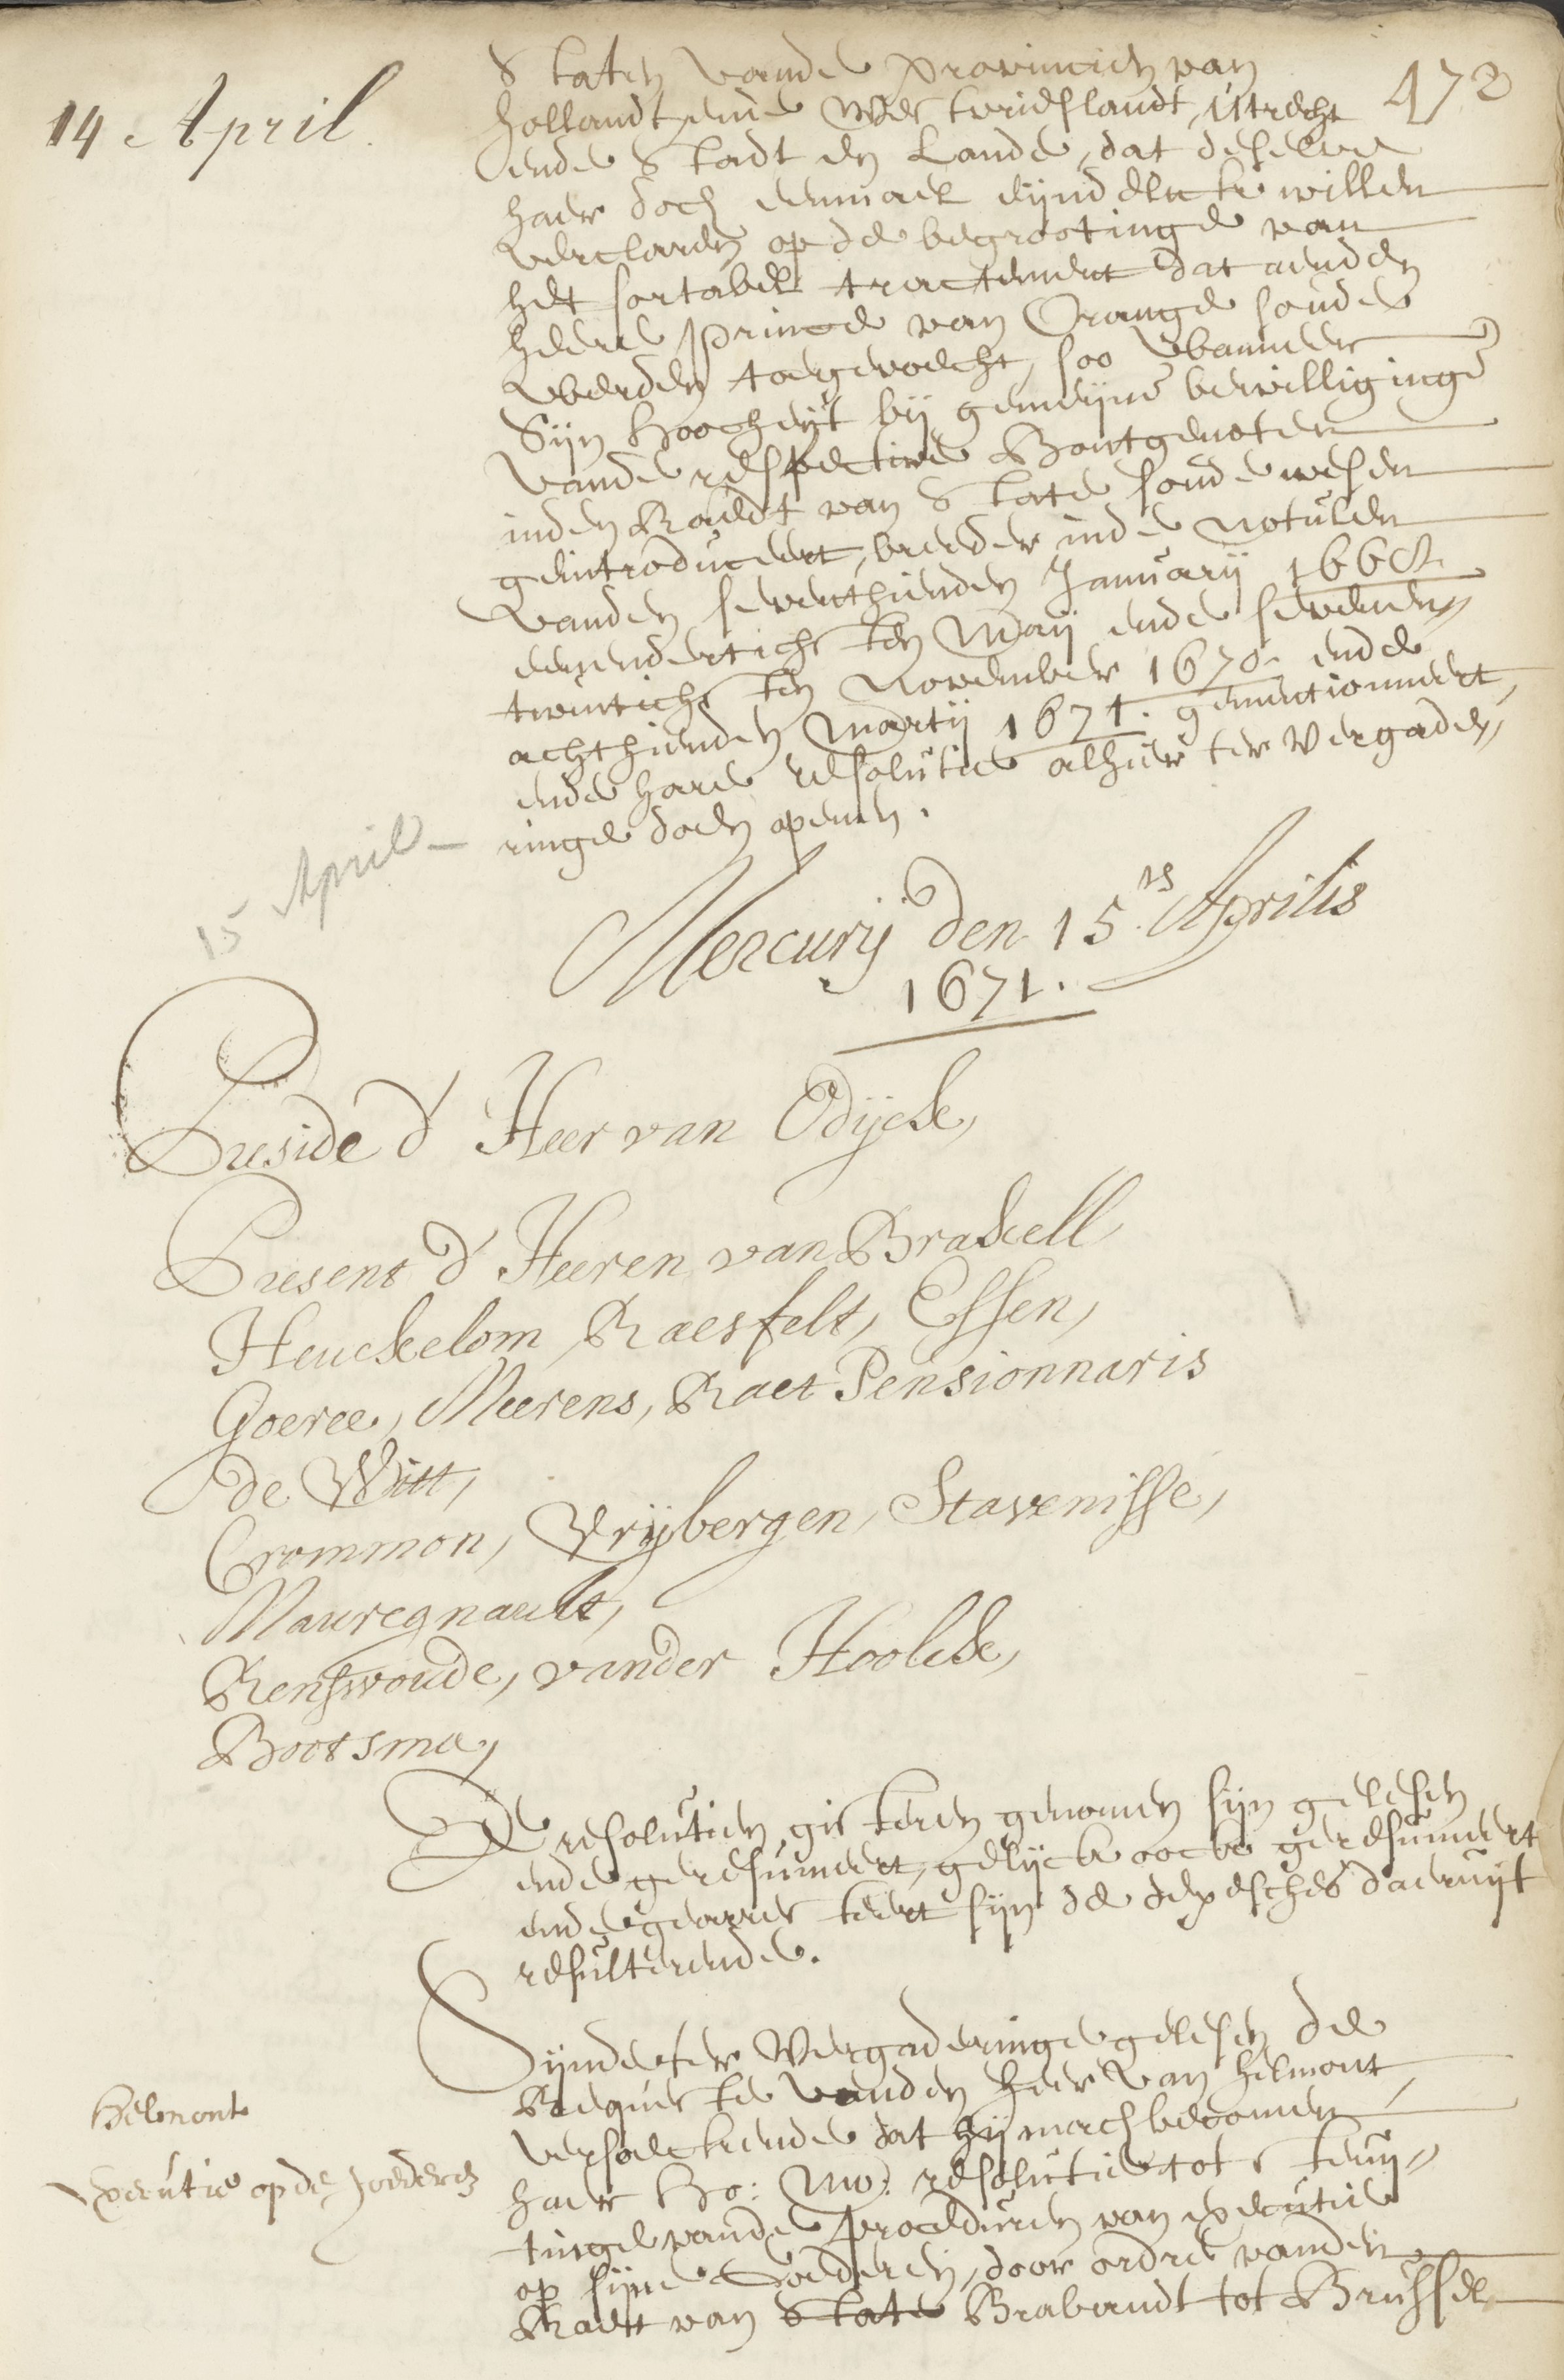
472
14. April.
Staten vande provincien van
Hollandt, ende Westvrieslandt, Utrecht
ende Stadt en Lande, dat deselve
haer doch eenmael eijndelick willen
verclaren op de begrootinge van
het sortabel tractement dat aenden
heere Prince van Orange soude
werden toegevoecht, soo wanneer
Sijn Hoocheijt bij gemeijne bewilliginge
vande respective Bontgenoten
inden Raedt van State soude wesen
geintroduceert, breeder inde notulen
vanden seventhienden Januarij 1668.
eenendertichsten Maij ende sevenen„
twintichsten November 1670. ende
achthienden Martij 1671. gementionneert,
ende hare resolutie alhier ter Vergade„
ringe doen openen.
15 April
Mercurij den 15en. Aprilis
1671.
Preside d'Heer van Odijck,
Present d'Heeren van Brakell,
Heuckelom, Raesfelt, Essen,
Goeree, Meerens, Raet Pensionnaris
De Witt,
Crommon, Vrijbergen, Stavenisse,
Mauregnault,
Renswoude, vander Hoolck,
Bootsma,
De resolutien gisteren genomen sijn gelesen
ende geresumeert, gelijck oock geresumeert
ende gearresteert sijn de depesches daeruijt
resulterende.
Helmont
Executie opde Goederen
Sijnde ter Vergaderinge gelesen de
Requeste vanden heer van helmont,
versoeckende dat hij mach becomen
haer Ho:Mo: resolutie tot steuij„
tinge vande proceduren van executie
op sijne Goederen, door ordre vanden
Raet van State Brabandt tot Brussel
